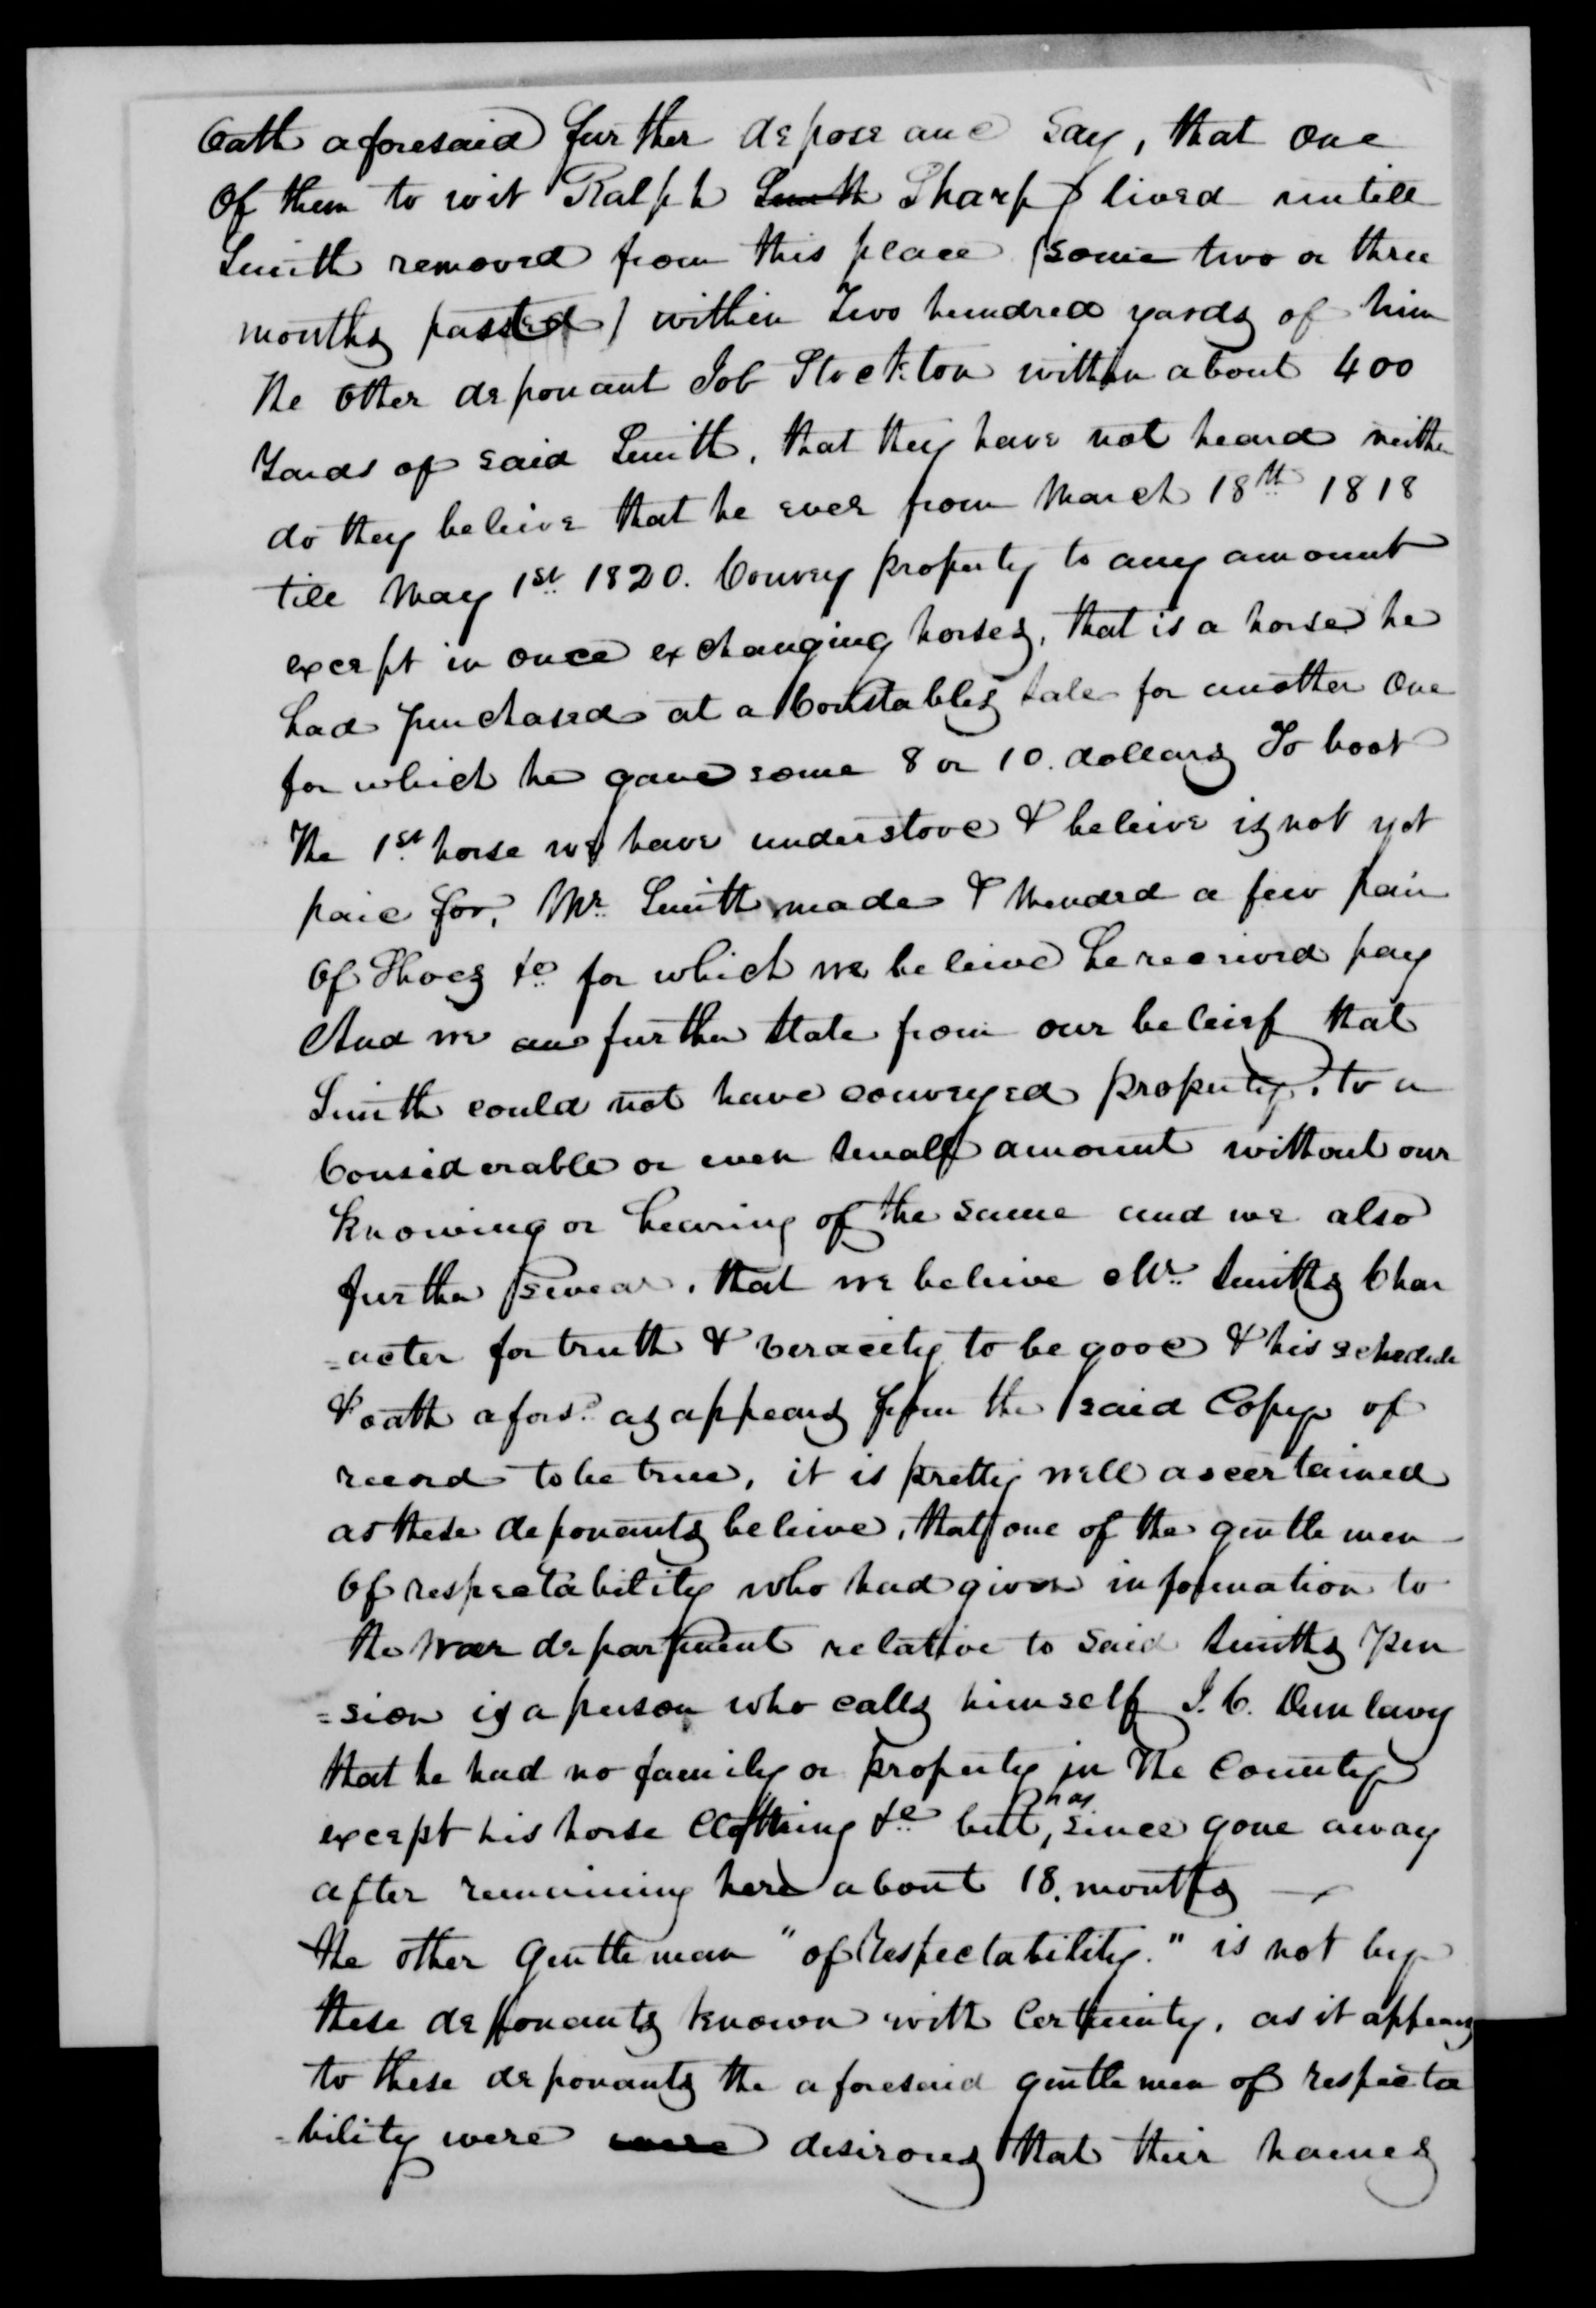Oath aforesaid further depose and say, that one of them to wit Ralph ["Smith" is crossed out] Sharp lived untill Smith removed from this place (some two or three months past) within Two hundred yards of him The other deponent Job Stockton within about 400 yards of said Smith, that they have not heard neither do they believe that he ever from March 18th 1818 till May 1st 1820 Convey property to any amount except in once exchanging horses, that is a horse he purchased at a Constables Sale for another One for which he gave some 8 or 10 dollars To boot The 1st horse we have understood & believe is not yet paid for. Mr. Smith made & mended a few pair of shoes & for which we believe he received pay And we [crossed out word] further state from our belief that Smith could not have conveyed property to a Considerable or even small amount without our knowing or hearing of the same and we also further swear that we believe Mr. Smiths Character for truth & veracity to be good & his schedule & oath aforsd [aforesaid] as appears from the said Copy of record to be true, it is pretty well ascertained as these deponents believe, that one of the gentlemen of respectability who had given information to the War department relative to Said Smiths pension is a person who calls himself J. C. Dunlavy that he had no family or property in the County except his horse Clothing &c. but has since gone away after remaining here about 18 months - the other gentleman "of Respectability" is not by these deponents known with Certainty, as it appears to these deponents the aforesaid gentlemen of respectability were [crossed out word] desirous that their names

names: [BLANK] Smith; [BLANK] Smith; J C Dunlavy; Job Stockton; Ralph Sharp; [BLANK] Smith; [BLANK] Smith; [BLANK] Smiths; [BLANK] Smiths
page: 60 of 66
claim: survivor's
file: S 40458, for Obadiah Smith, New York